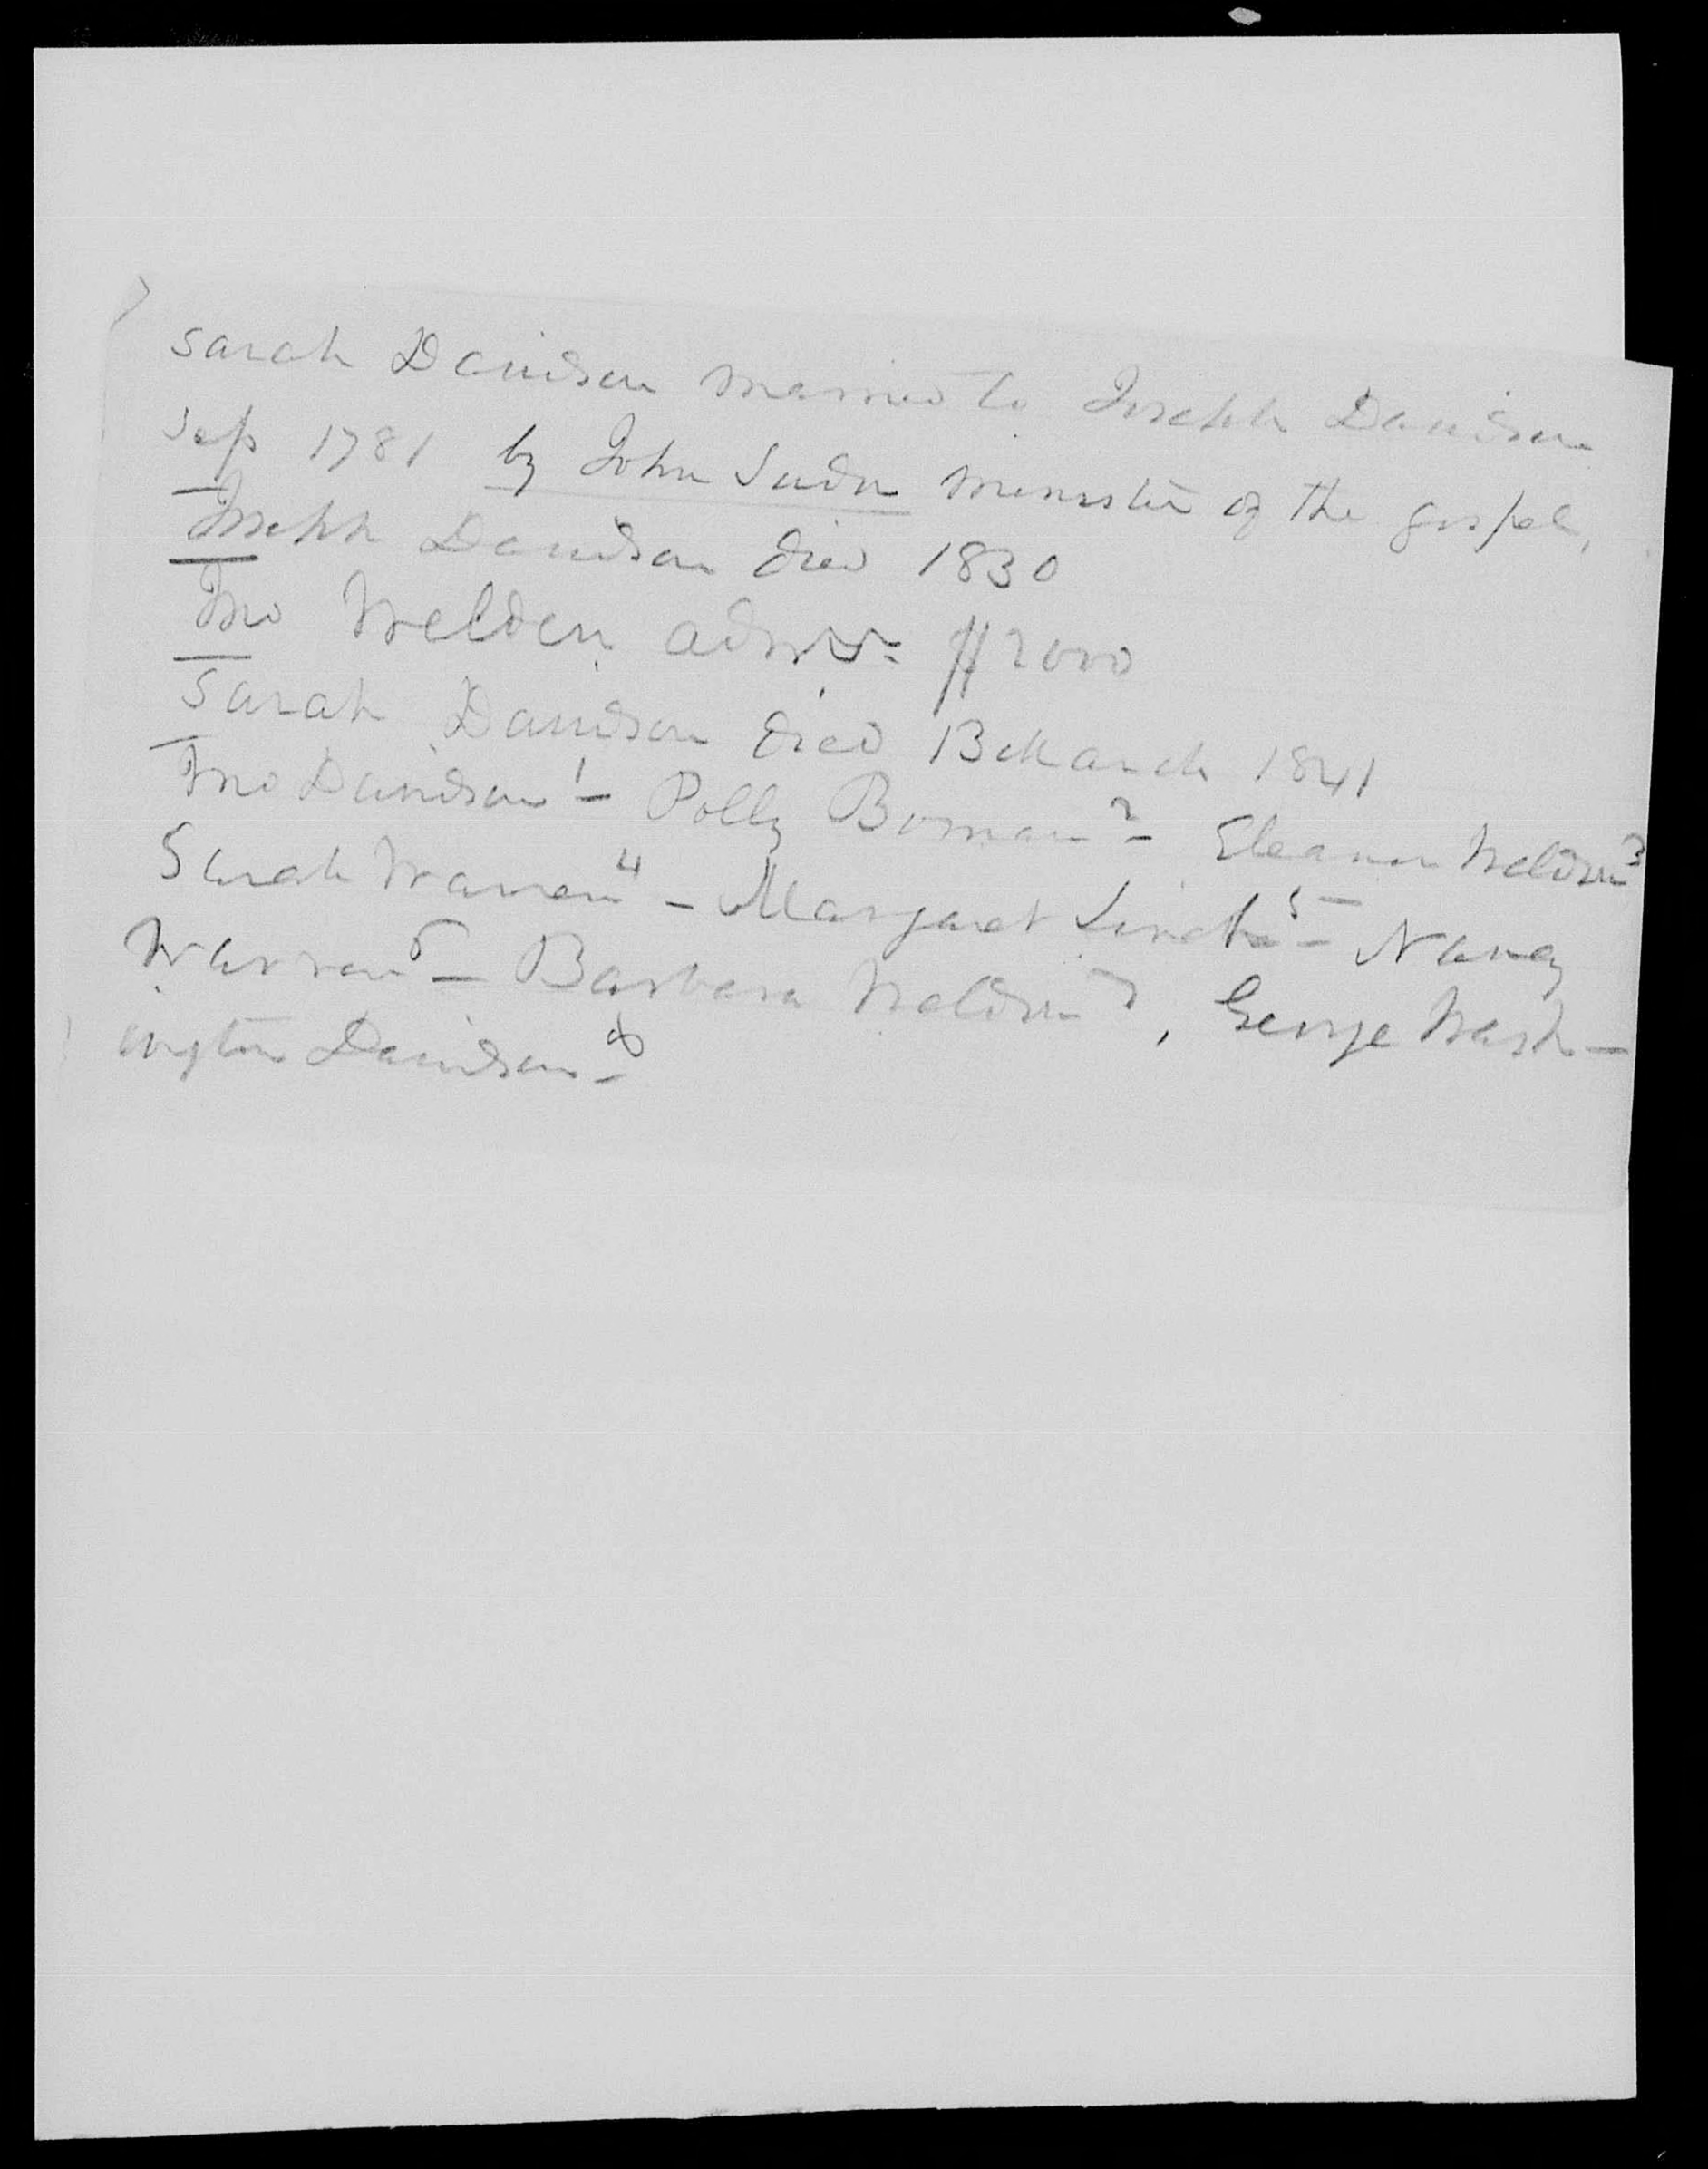Sarah Davidson married to Joseph Davidson September 1781 by John [illegible] Minister of the Gospel.
Joseph Davidson died 1830
Mr Welden administrator.  $2000
Sarah Davidson Died 13 March 1841
Mr Davidson 1 Polly Boman 2 Eleanor Weldon 3
Sarah Warren 4 Margaret Linch 5  Nancy
Warren 6 Barbara Weldon 7 George Washington Davidson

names: Jno Weldon, Joseph Davidson, Joseph Davidson, Polly Boman, Sarah Davidson, Nancy Warren, Barbary Weldon, Sarah Warren, George Washington Davidson, Eleanor Weldon, John Sudon, Jno Davidson, Sarah Davidson, Margaret Linch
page: 50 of 63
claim: widow's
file: W. 4175, Joseph Davidson, N.C.